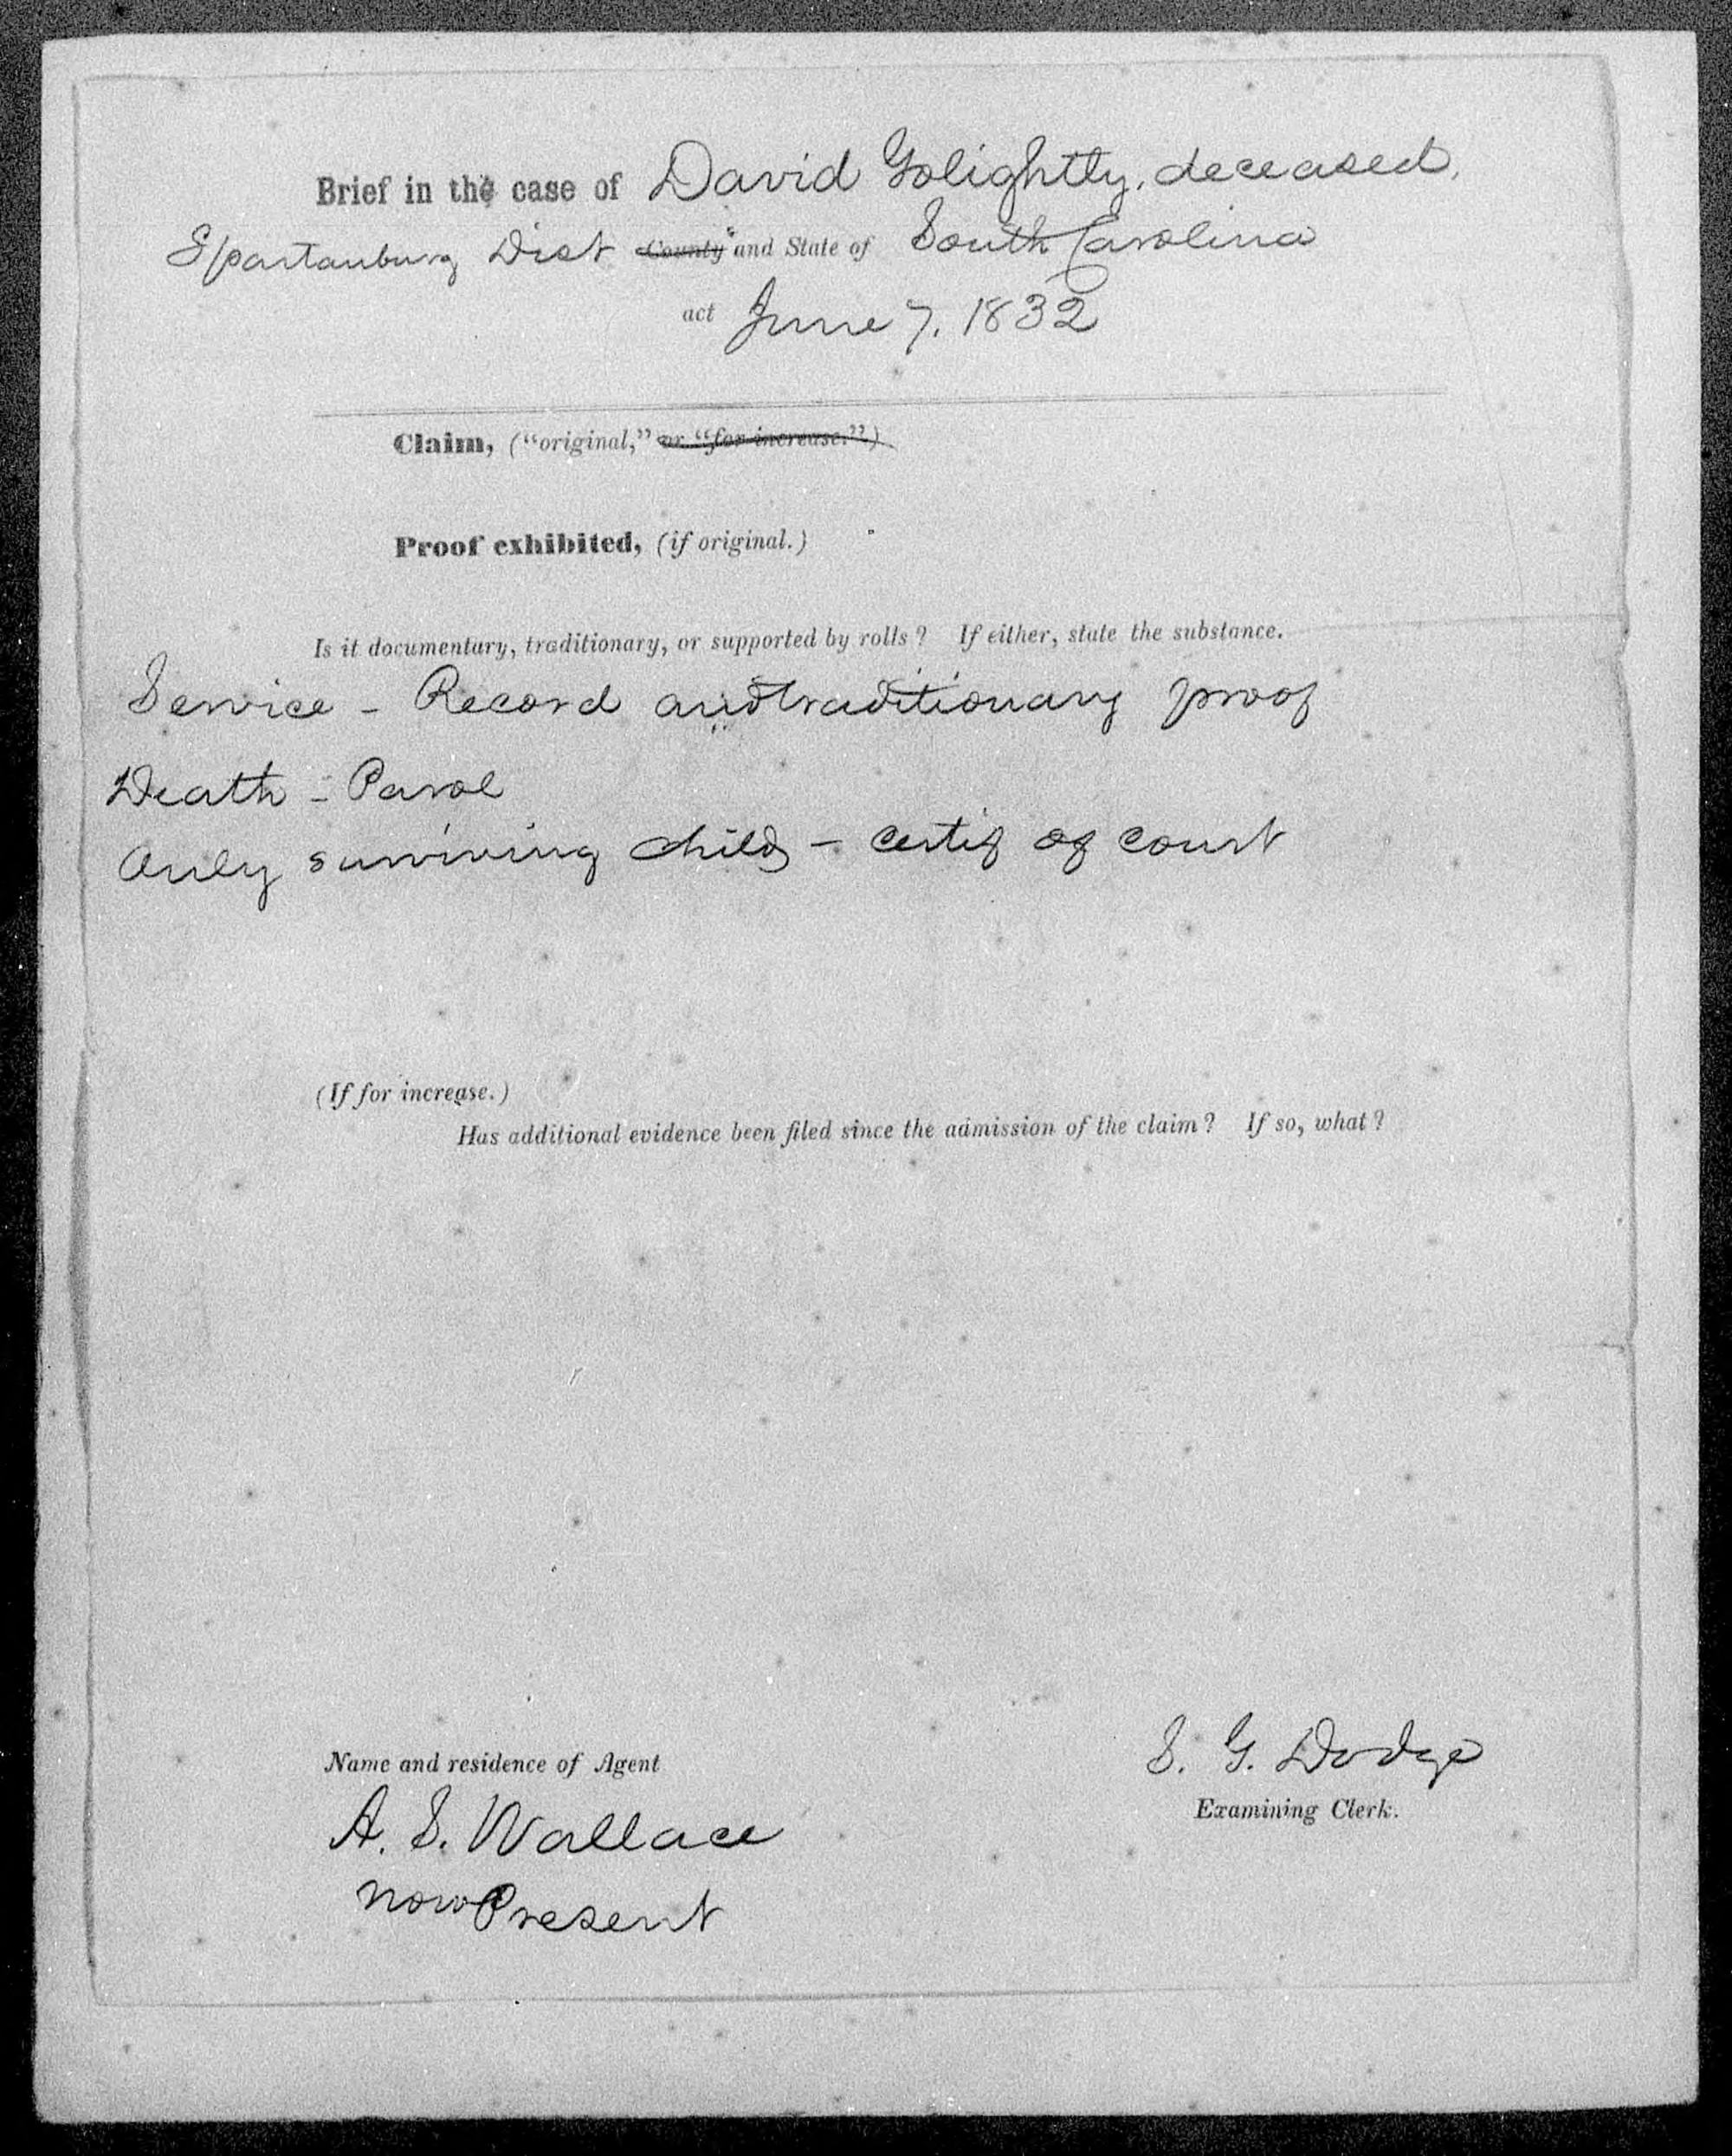Brief in the case of David Golightly, deceased, Spartanburg District and State of South Carolina
act June 7, 1832

Claim, ("original")
Proof exhibited, (if original.)

Is it documentary, traditionary, or supported by Rolls?  If either, state the substance.

Service - Record and traditionary proof
Death - Parol
Only surviving child - Certif of Court

(if for increase.)
   Has additional evidence been filed since the admission of the claim?  If so, what?

Name and residence of Agent
A.S. Wallace
Now Present

S.G. Dodge
Examining Clerk.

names: David Golightly, S G Dodge, A S Wallace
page: 43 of 57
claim: survivor's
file: S. 18888, David Golightly, S.C.